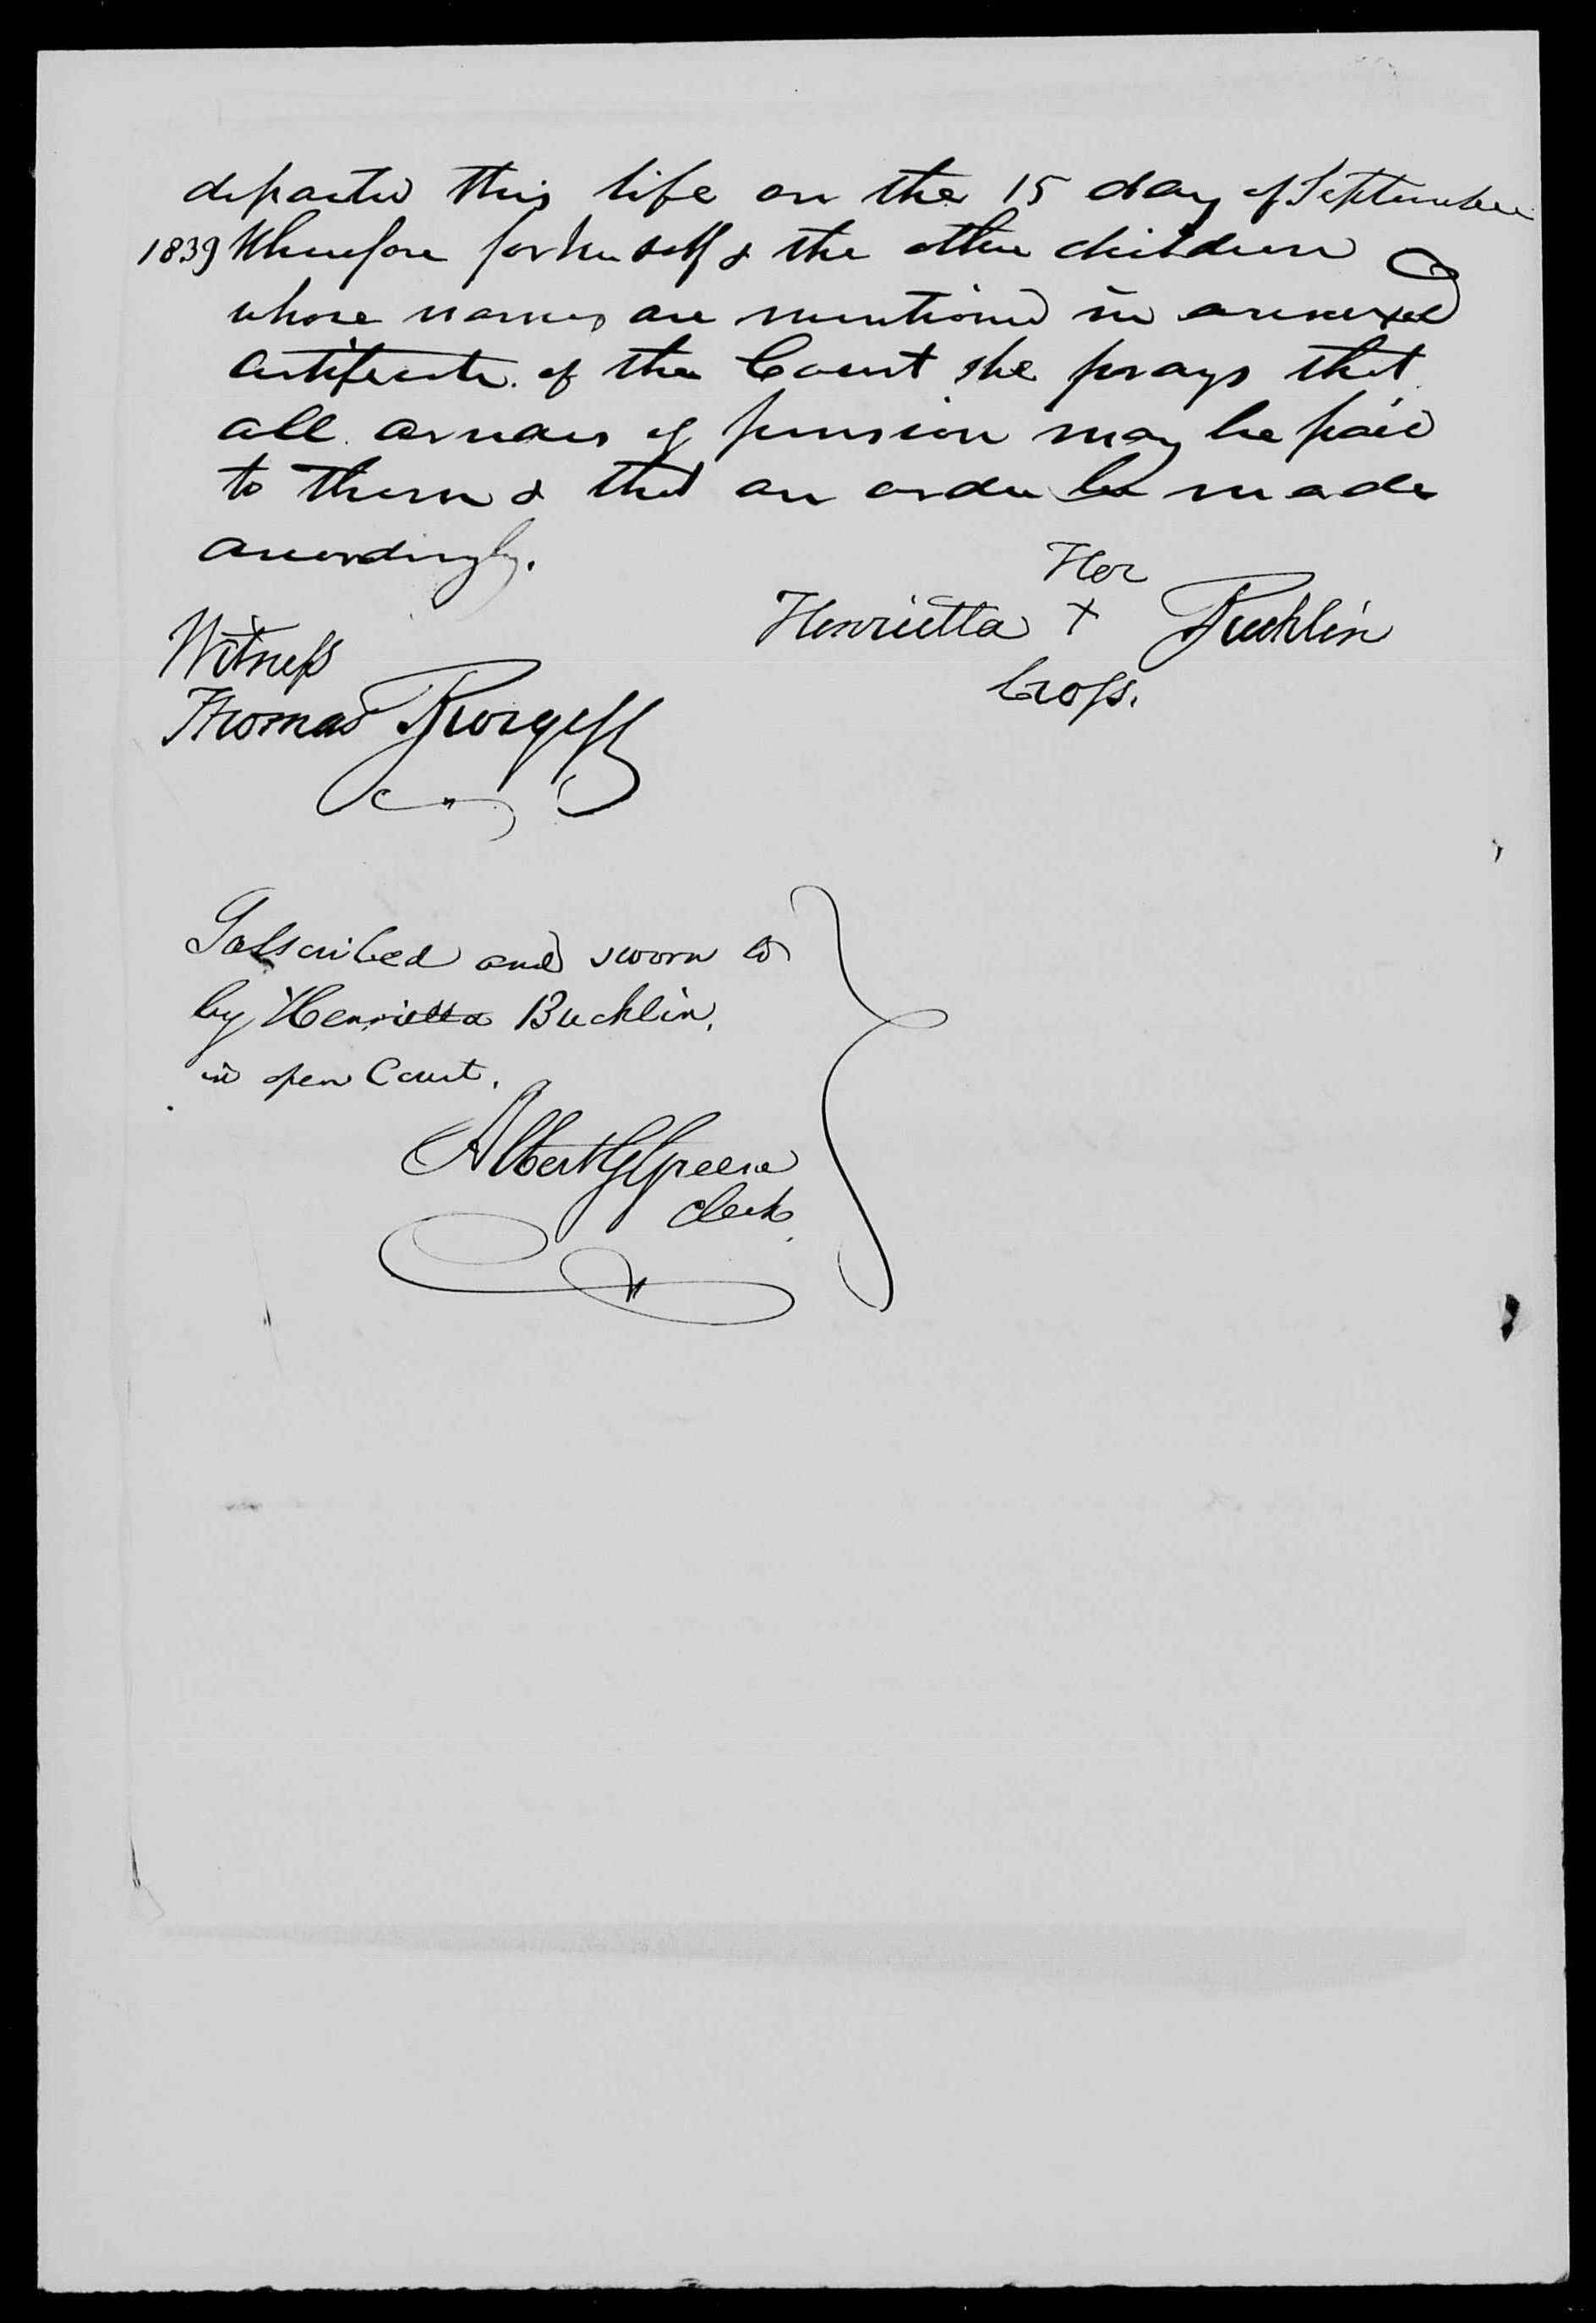departed this life on the 15 day of September
1839 Wherefore for herself & the other children
whose names are mentioned in annexed
certificate of the Court she prays that
all arrears of pension may be paid
to them & that an order be made
Accordingly

Henrietta Bucklin
Her  X [illegible]

Witness
Thomas Burgess

Subscribed and sworn to
by Henrietta Bucklin
in open Court
Albert G Greene
Clerk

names: Albert G Greene, Henrietta Bucklin, Henrietta Bucklin, Thomas Burgess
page: 8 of 31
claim: widow's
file: W 21004, Samuel Drown, R.I.